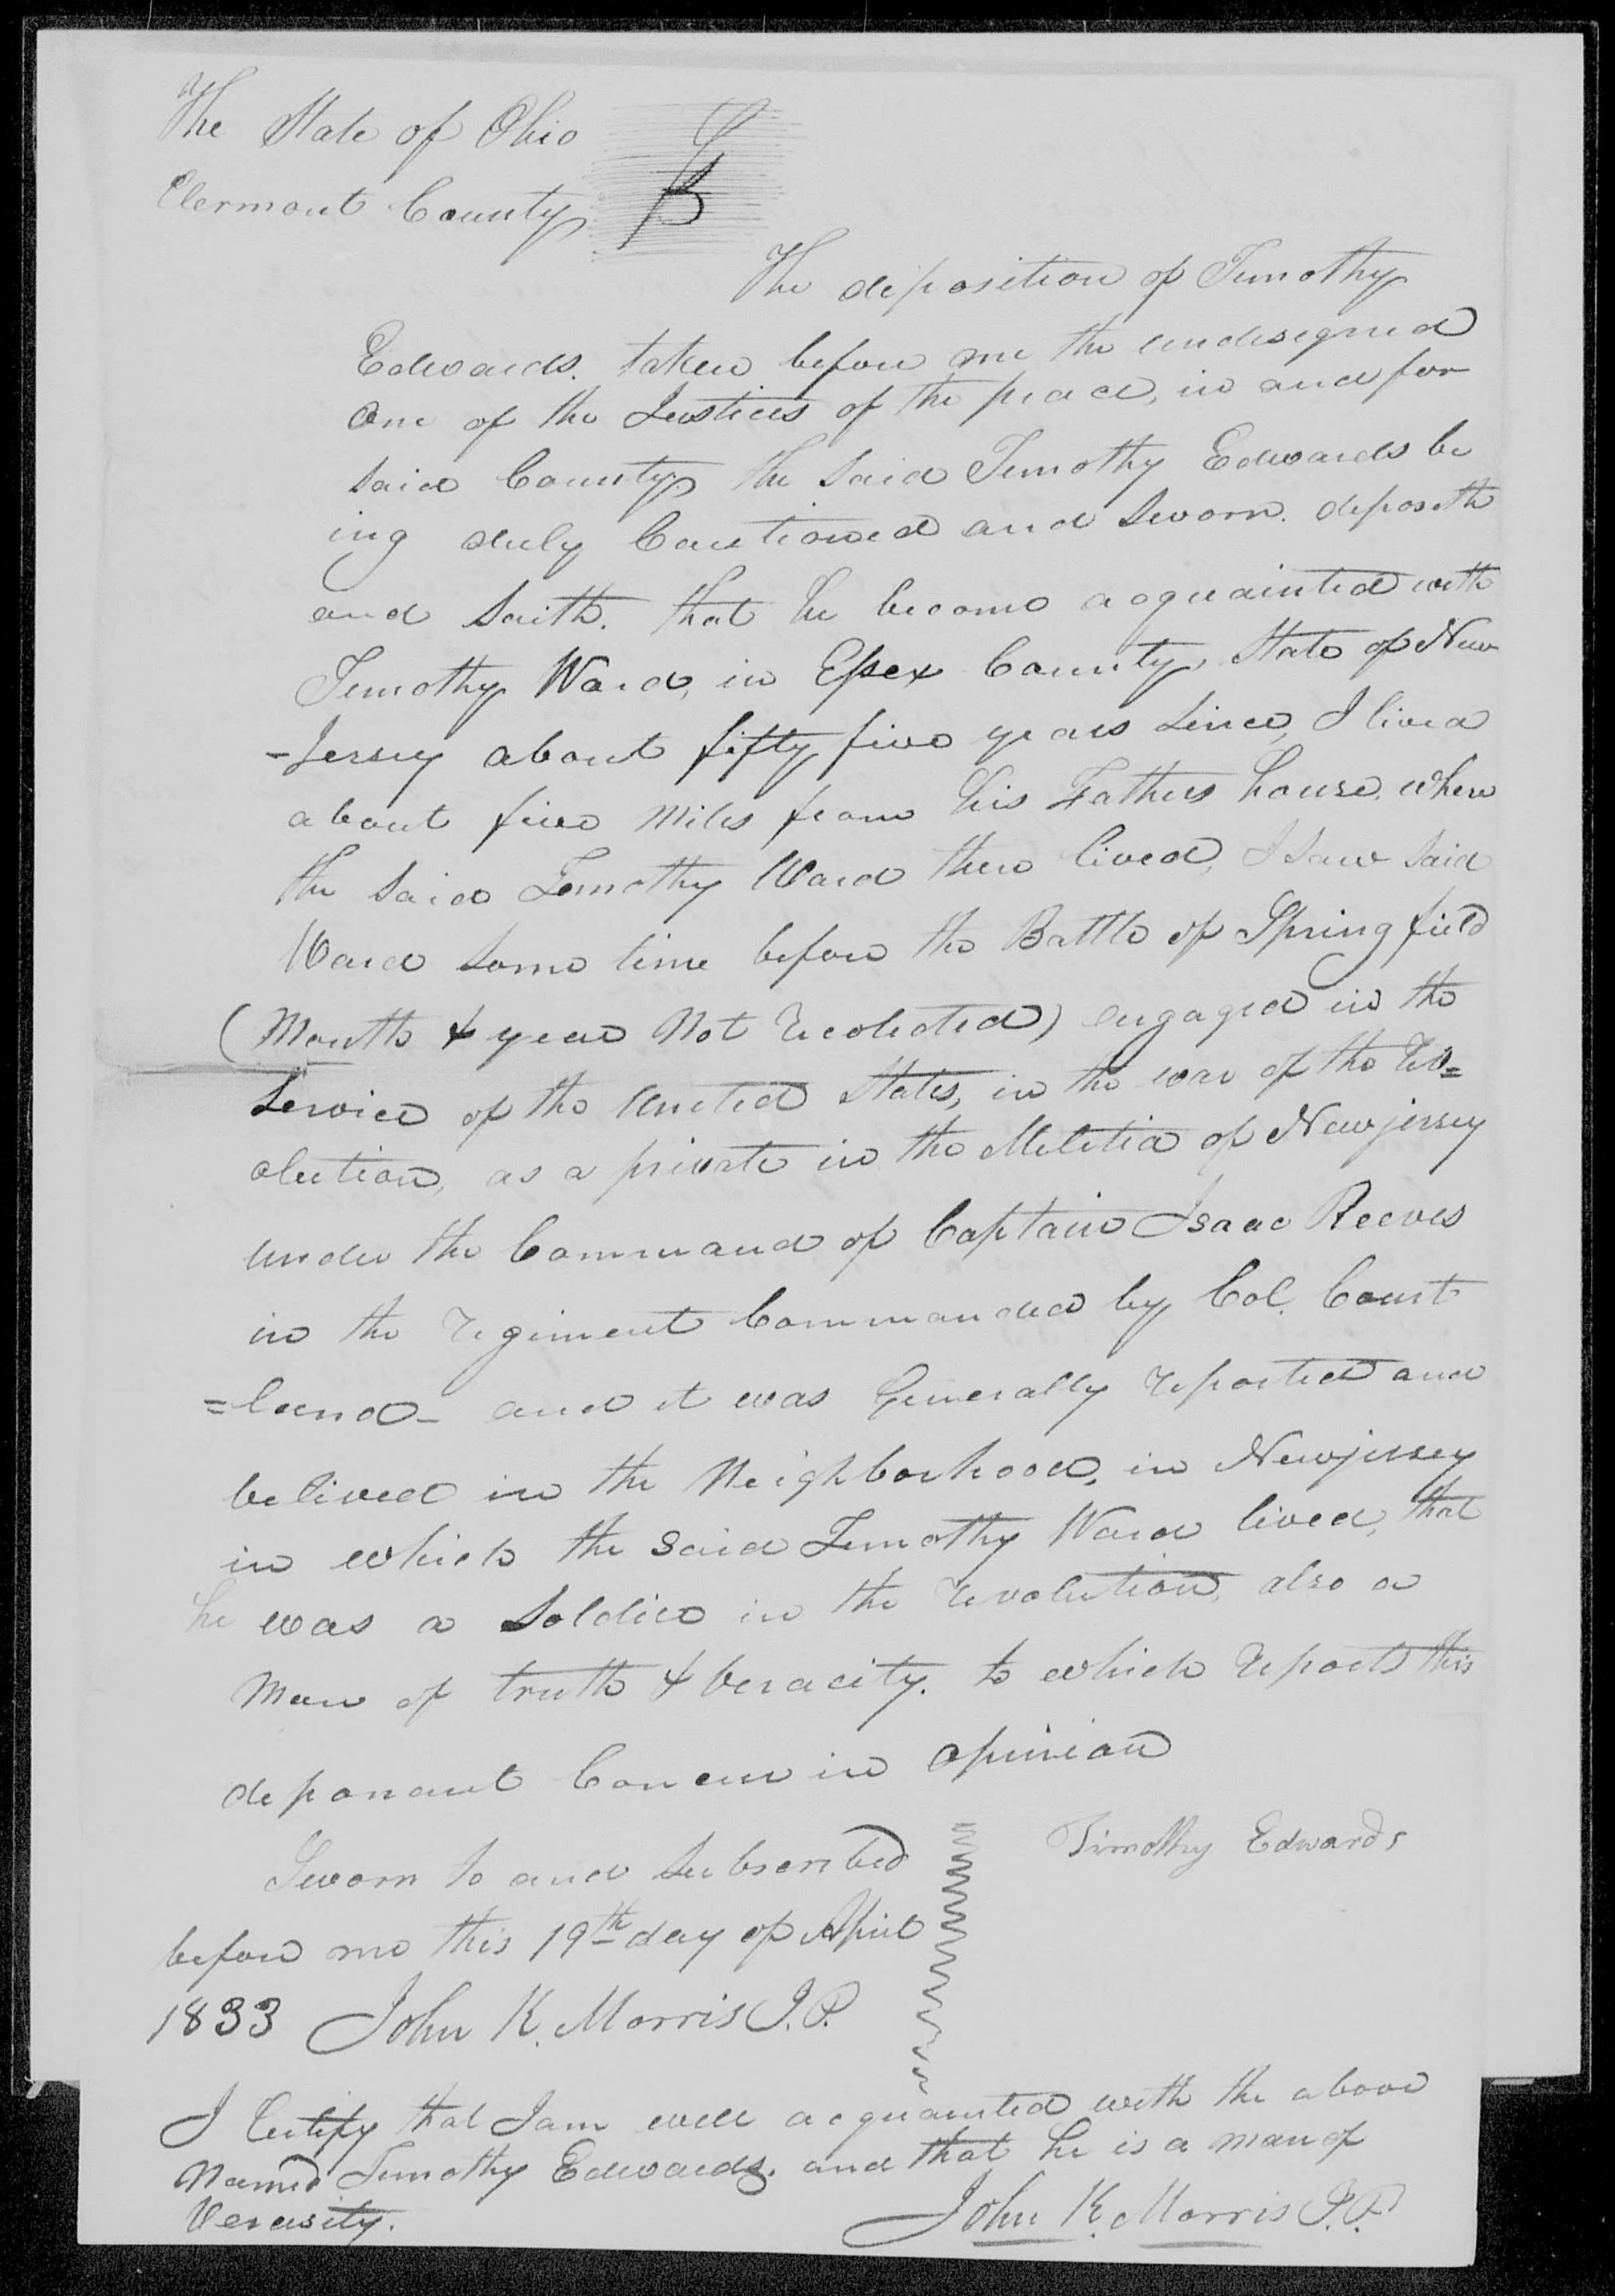The State of Ohio 
Clermont County  ss
The deposition of Timothy Edwards taken before me the undesigned one of the Justices of the peace, in and for said County the said Timothy Edwards being duly cautioned and sworn deposeth and Saith. that he became acquainted with Timothy Ward in Essex County, State of New Jersey about fifty five years since, I lived about five miles from his Fathers house where the said Timothy Ward then lived, I saw said Ward Some time before the Battle of Springfield (Month & year not recollected) engaged in the Service of the United States, in the war of the Revolution, as a private in the Militia of Newjersey under the command of Captain Isaac Reeves in the regiment commanded by Col Courtland and it was Generally reported and believed in the Neighborhood, in Newjersey in which the said Timothy Ward lived that he was a Soldier in the revolution, also a man of truth & veracity, to which reports this deponent concur in opinion 
Timothy Ward
Sworn to and Subscribed  before me this 19th day of April 1833 John K. Morris J.P. 

I Certify that I am well acquainted with the above named Timothy Edwards, and that he is a man of Verasity. 
John K. Morris J.P. I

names: Courtland, Timothy Ward, Timothy Ward, Timothy Edwards, John K Morris, Timothy Edwards, Timothy Edwards, John K Morris, Isaac Reeves, Timothy Ward, Ward, Timothy Edwards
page: 23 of 24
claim: survivor's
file: S. 17751, Timothy Ward, New Jersey